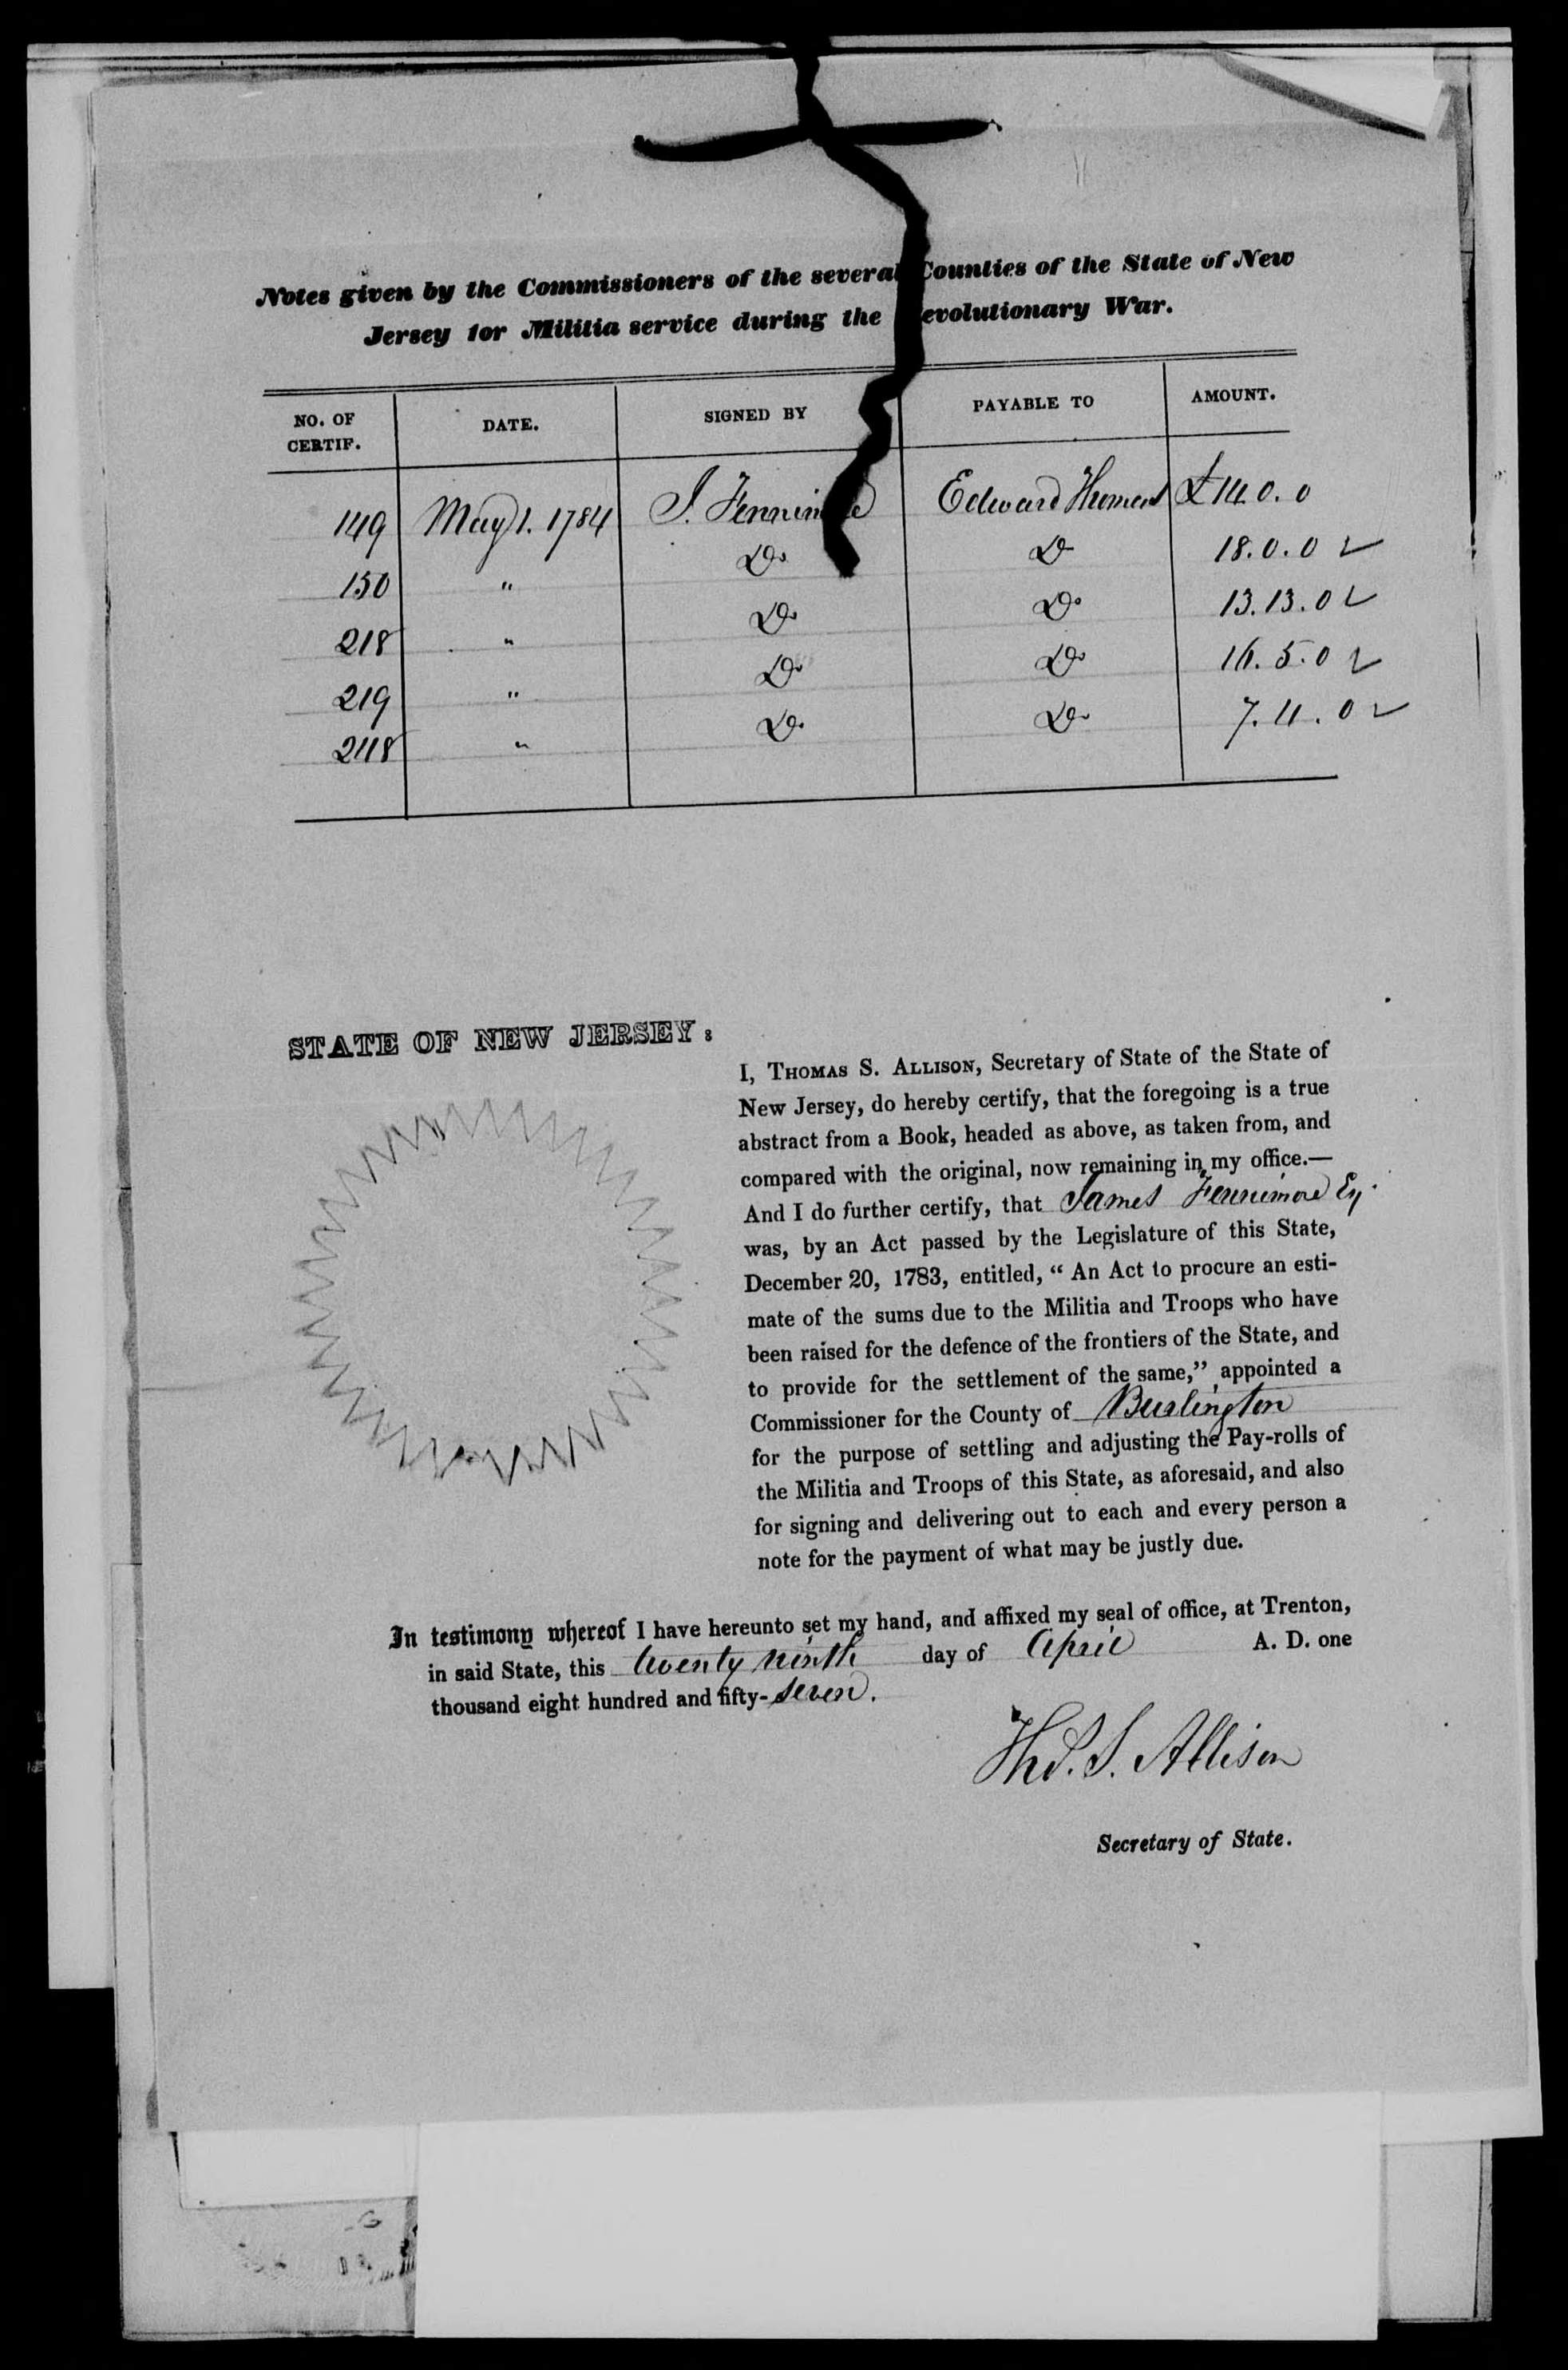Notes given by the Commssioners of the several counties of the State of New Jersey for Militia service during the Revolutionary War

No. of Certif.               Date    Signed by.    Payable to      Amount
149 May 1, 1784 J Fenimore    Edward Thomas      14.0.0
150 May 1, 1784      D                      D                         18.0.0   
218            “              D                        D                        13.13.0
219             “              D                      D                         16.5.0
248            “               D                       D                          7.11.0


State of New Jersey
I, Thomas S. Allison, Secretary of State of the State of New Jersey, do hereby certify, that the foregoing is a true abstract from a book, headed as above, as taken from, and compared with the original, now remaining in my office. And I do further certify, that  James Fenimore Esq was, by an Act passed by the Legislature of this State December 20, 1783, entitled, “An Act to procure an estimate of the sums due to the Militia and Troops who have been raised for the defence of the frontiers of the Stae, and to provide for the settlement of the same” appointed a Commissioner for the County of Burlington for the purpose of settling and adjusting the Pay-rolls of the Militia and Troops of this State, as aforesaid, and also for signing and delivering out to each and every person a note for the payment of what may be justly due. 

In testimony whereof I have hereunto set my hand, and affixed my seal of office, at Trenton in said State, this twenty ninth day of April A.D. one thousand eight hundred and fifty- seven.
Thomas S Allison
Secretary of State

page: 21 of 25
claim: rejected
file: R. 10513, for Edward Thomas, New Jersey